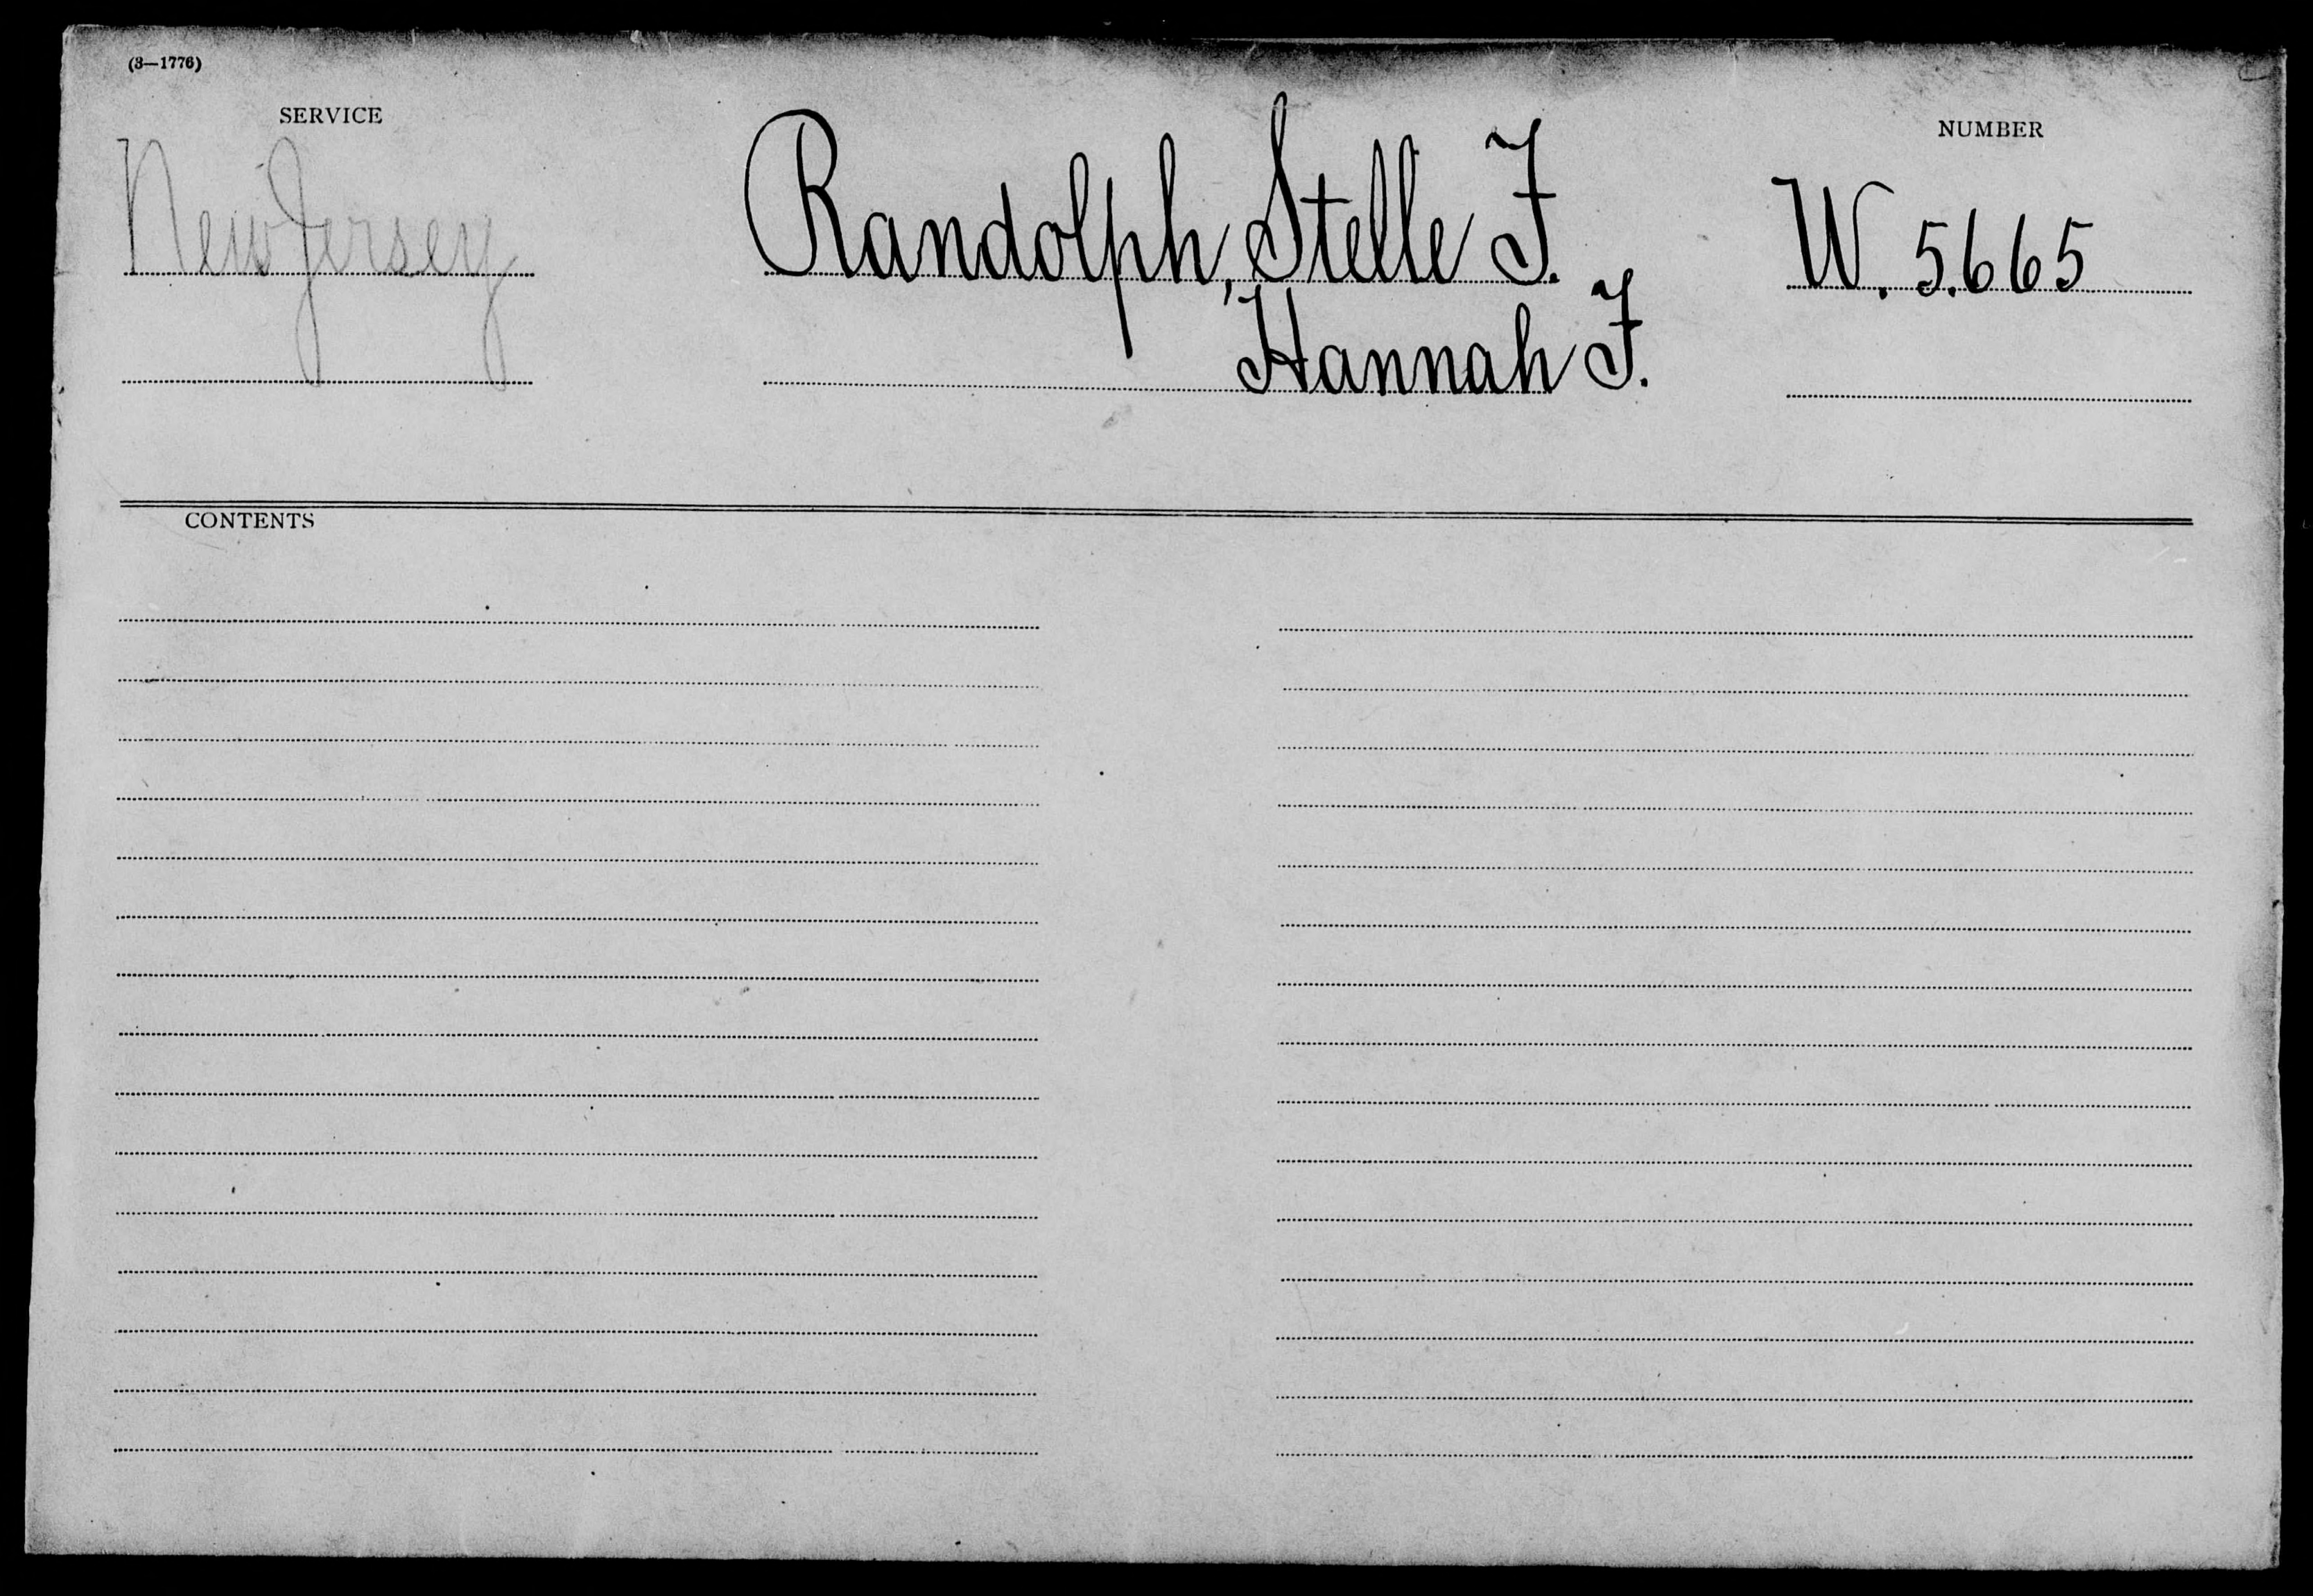(3-1776 )
SERVICE New Jersey
Randolph, Stelle F.
Hannah F.
NUMBER W. 5.665
CONTENTS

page: 1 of 33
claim: widow's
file: W. 5,665, for Stelle F Randolph, New Jersey